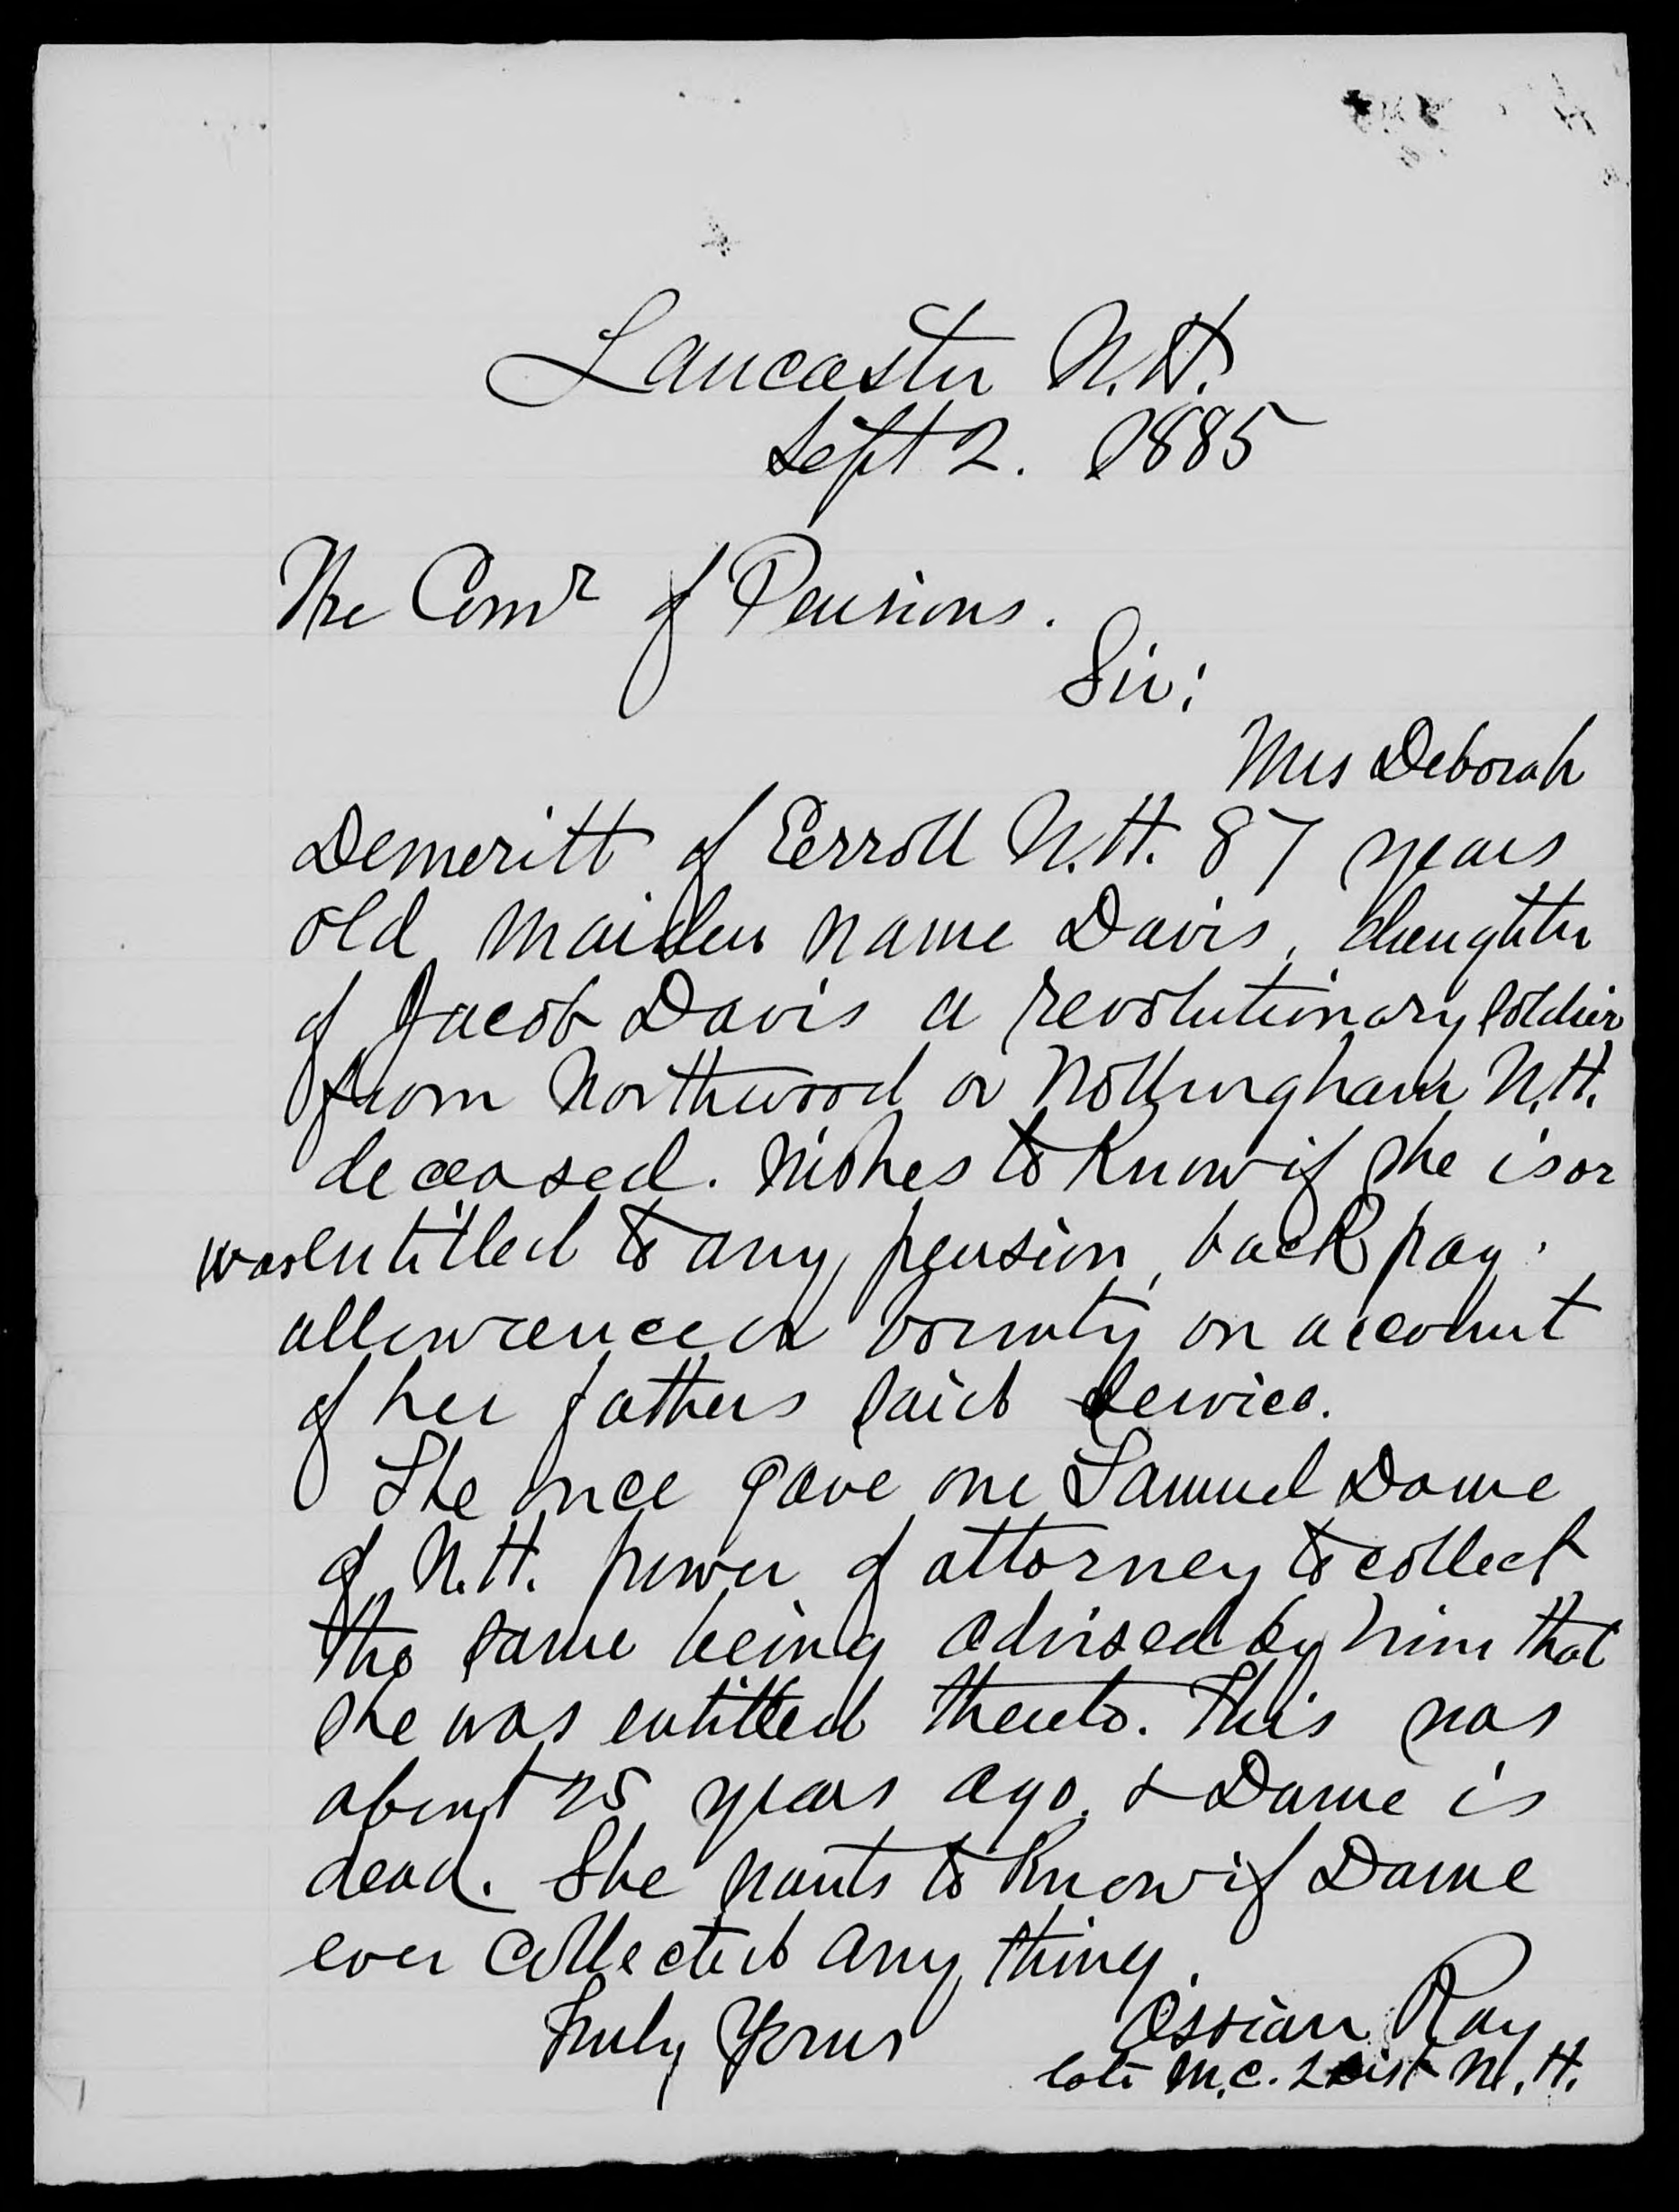Lancaster N. H.
Sept 2 1885
The Comr [Commissioner] of Pensions
Sir:
Mrs Deborah Demeritt of Erroll N. H. 87 years old
maiden name Davis, daughter of Jacob Davis a Revolutionary soldier from Northwood of Nottingham, N.H. deceased, wishes to know if she is or was entitled to any pension, back pay, allowance or bounty on account of her fathers said
service.
She once gave one Samuel Dame of N.H. power of attorney to collect the same being advised by him that she was entitled thereto. This was about 25 years ago and Dame is
dead. She wants to know if Dame ever collected anything. 
Truly yours
Ossian Ray
late M.C. 2 Dist N.H.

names: Dame, Davis, Jacob Davis, Samuel Dowe, Ossian Ray, Dame, Deborah Demeritt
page: 45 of 47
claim: widow's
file: W. 24043, Jacob Davis, N.H.